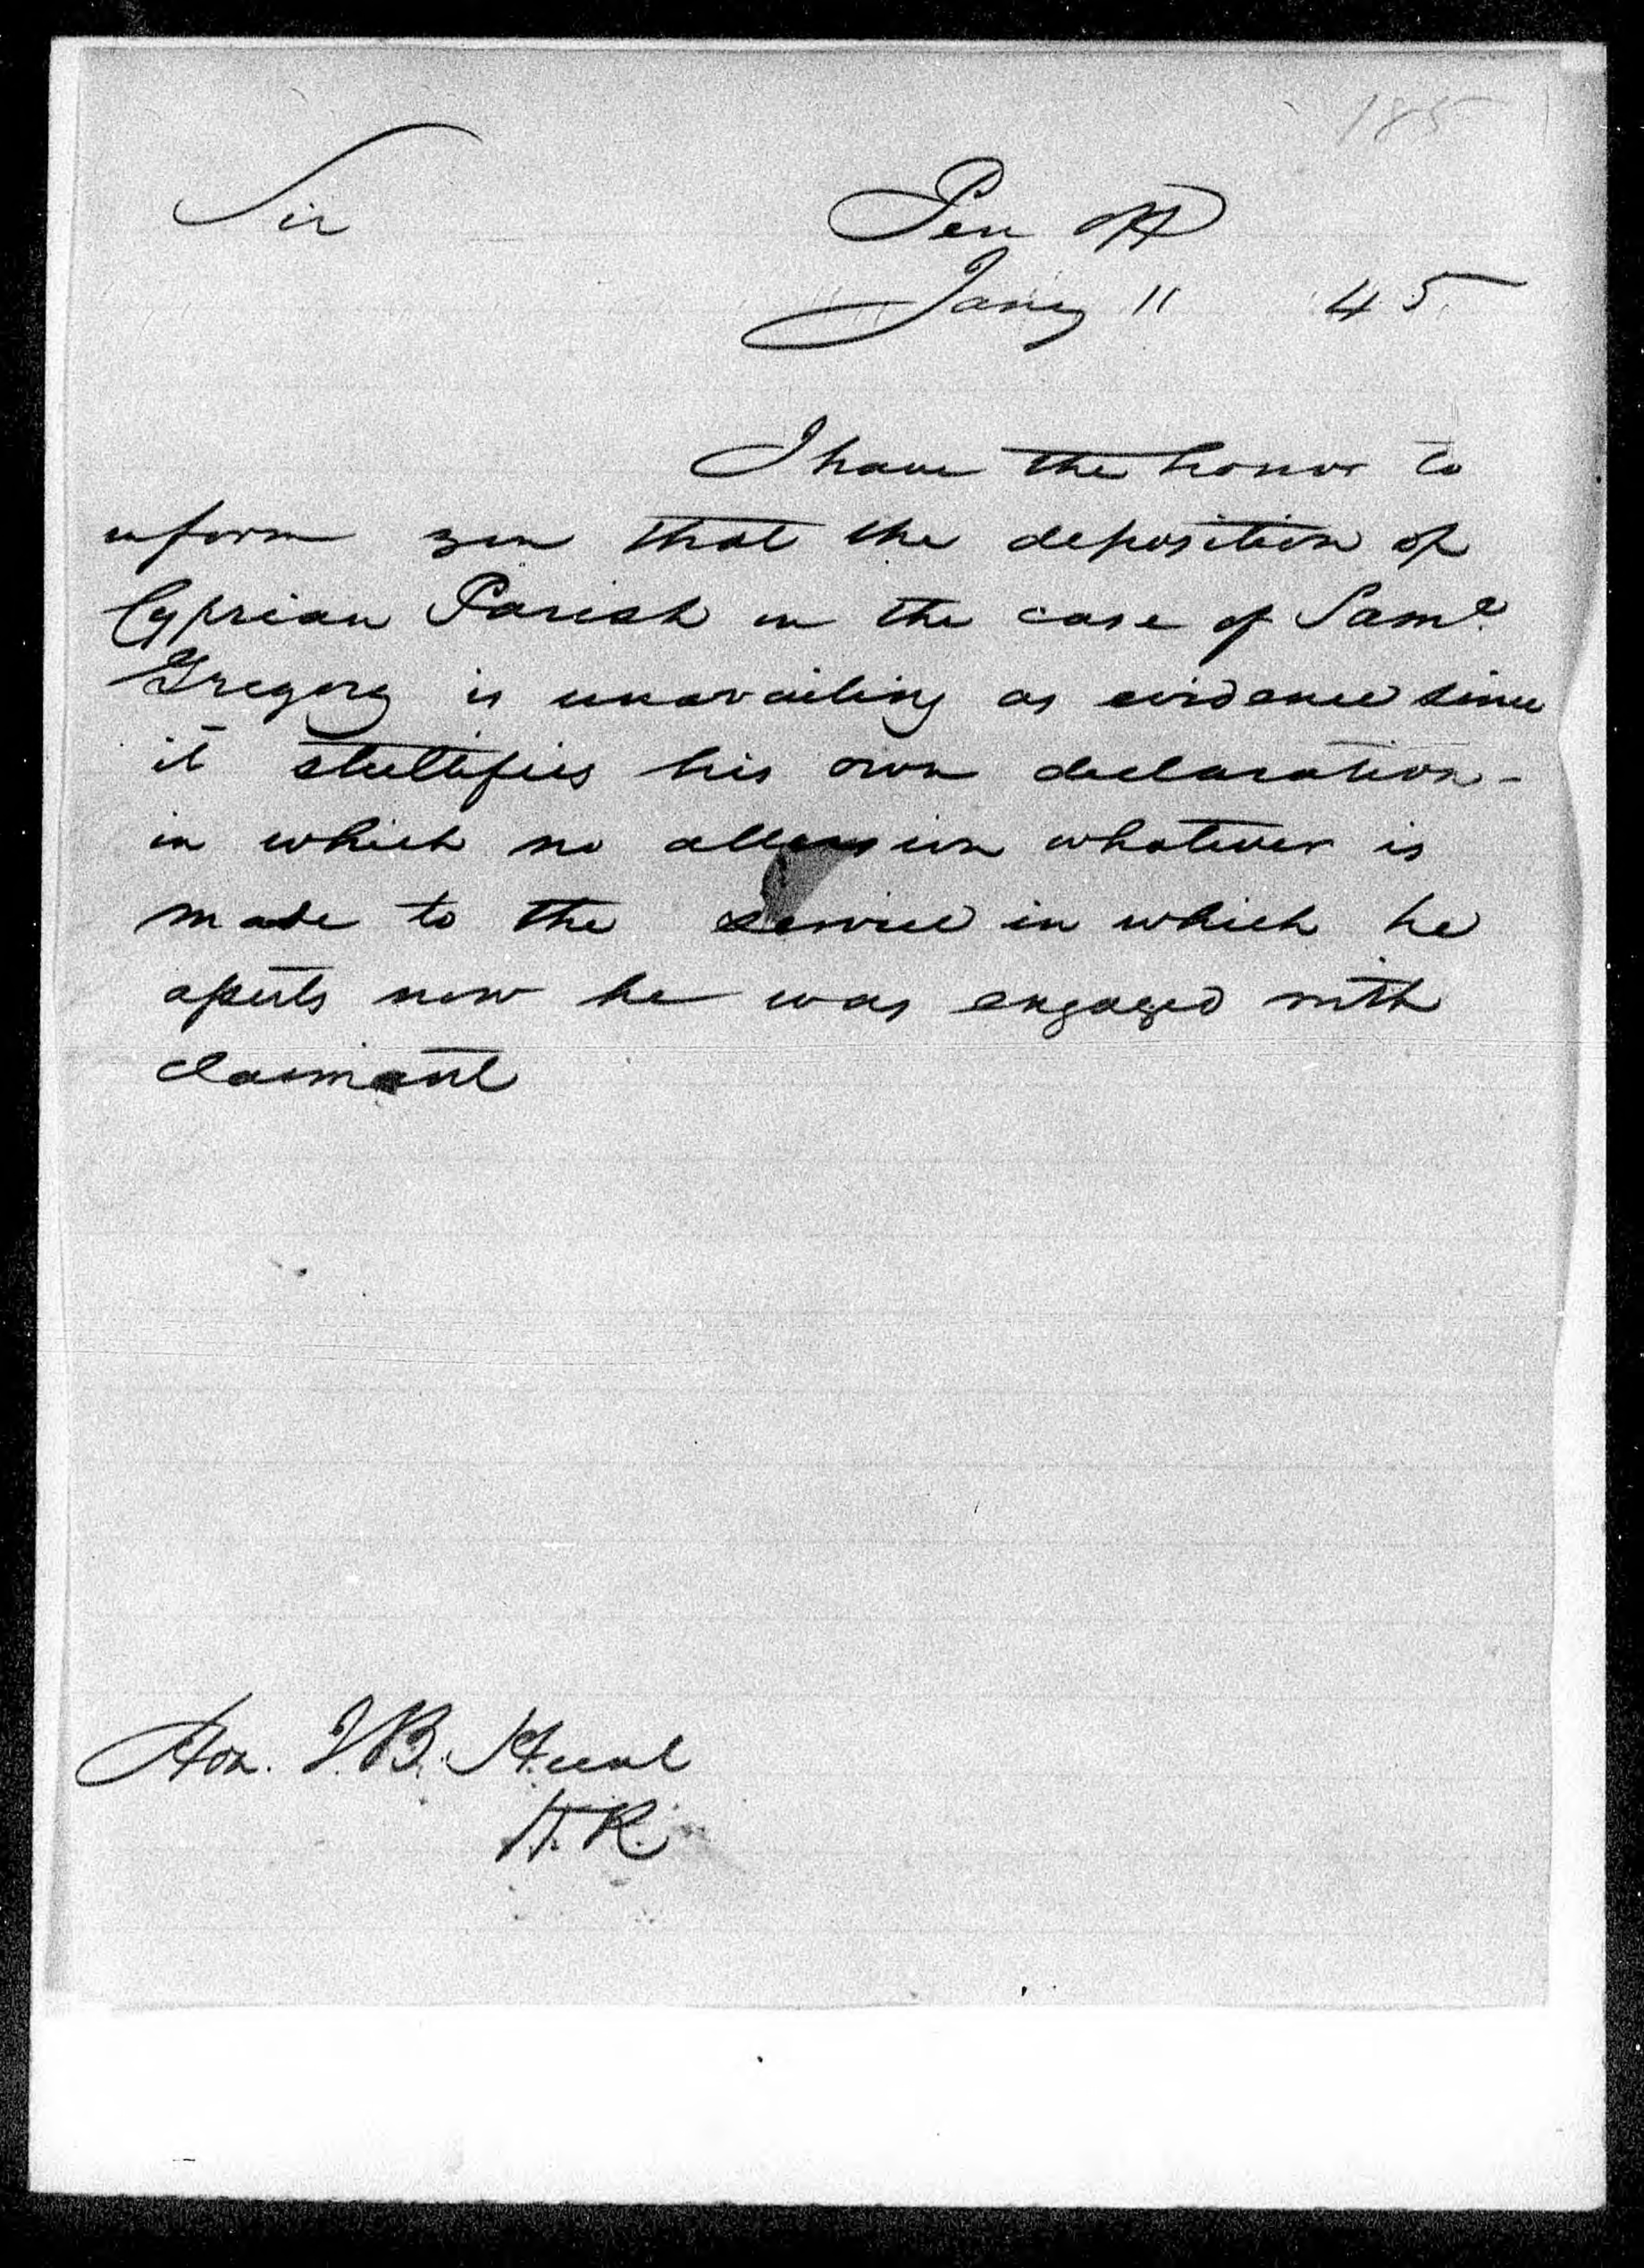Pen off
Jany 11  45

Sir

I have the honor to inform you that the deposition of Cyprian Parish in the case of Saml Gregory in unavailing as evidence since it tisfies his own declaratio in which no allow in whatever is made to the service in which he aparts now he was engaged with claimant

Hon. J.B. Hunt H.R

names: J B Hunt, Cyprian Parish, Saml Gregory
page: 46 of 66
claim: rejected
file: R. 4298, Samuel Gregory, New York